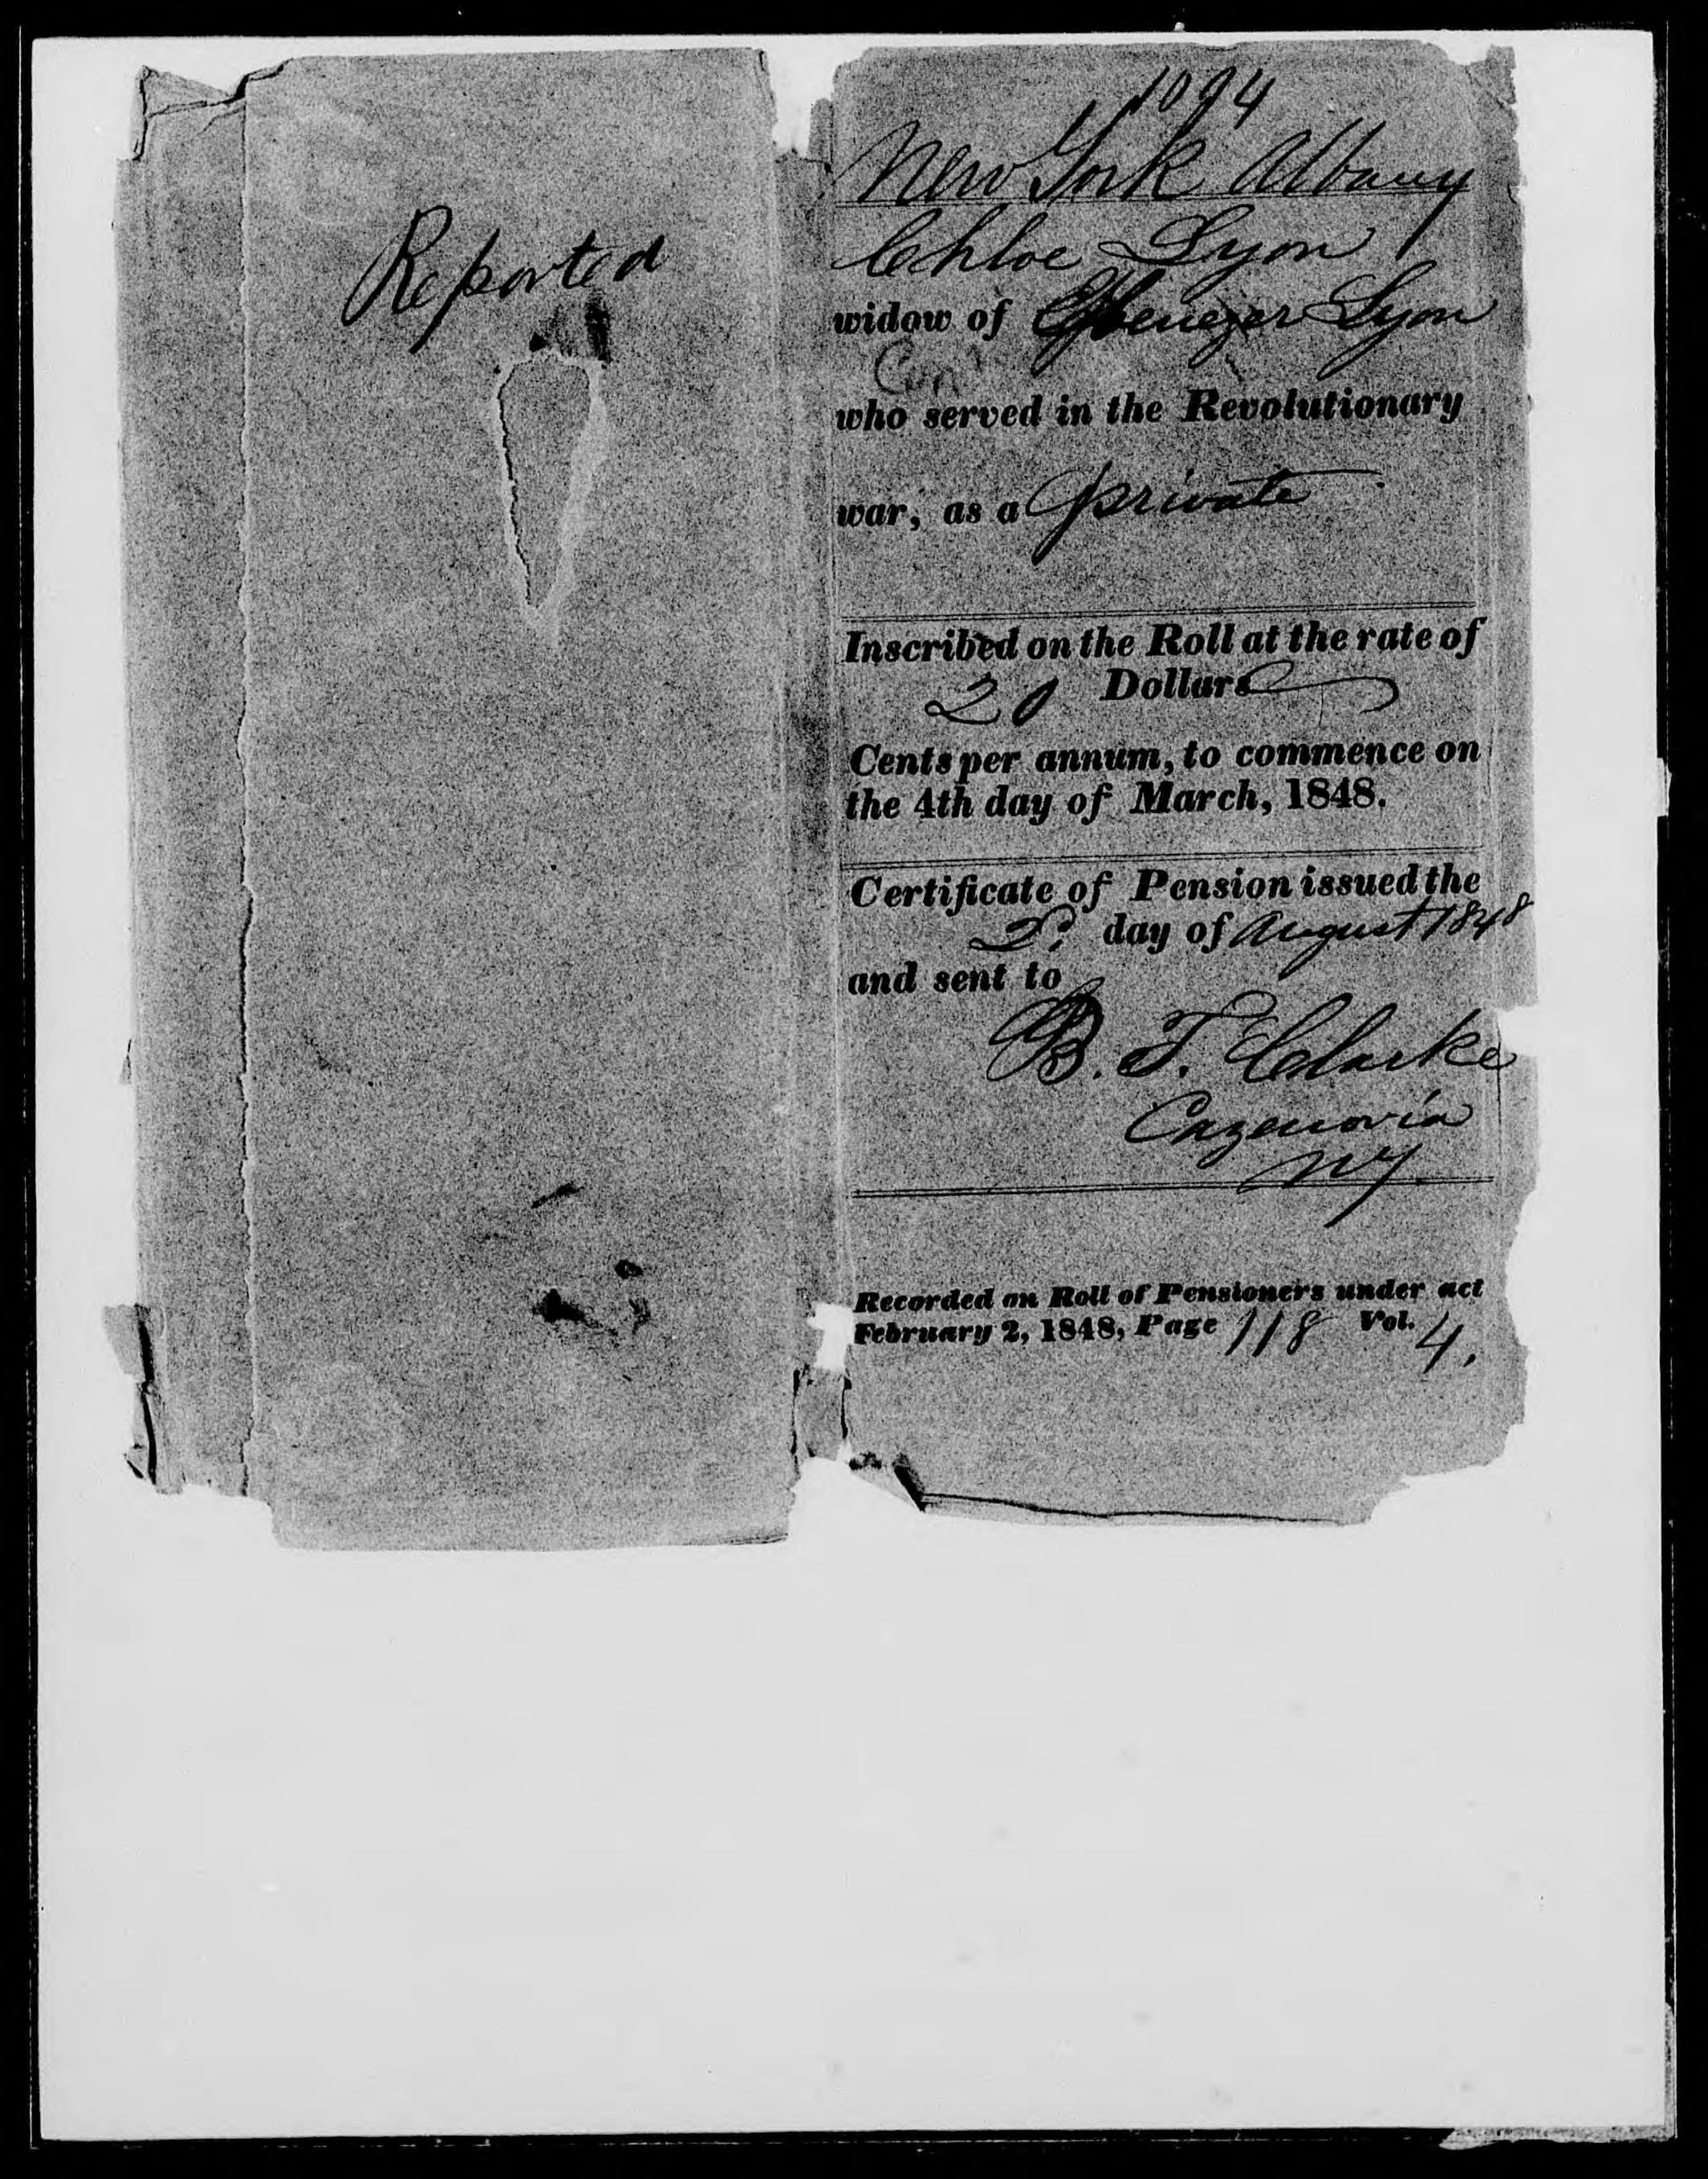1094
New York Albany
Chloe Lyon widow of Ebenezer Lyon Con. who served in the Revolutionary war, as a private

Inscribed on the Roll at the rate of 20 Dollars - Cents per annum, to commence on the 4th day of March, 1848.

Certificate of Pension issued the 2d day of August 1848 and sent to B. T. Clarke Cazenovia NY
Recorded on Roll of Pensioners under act February 2, 1848, Page 118 Vol. 4.

Reported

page: 2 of 40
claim: widow's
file: W. 24,615, for Ebenezer Lyon, Connecticut